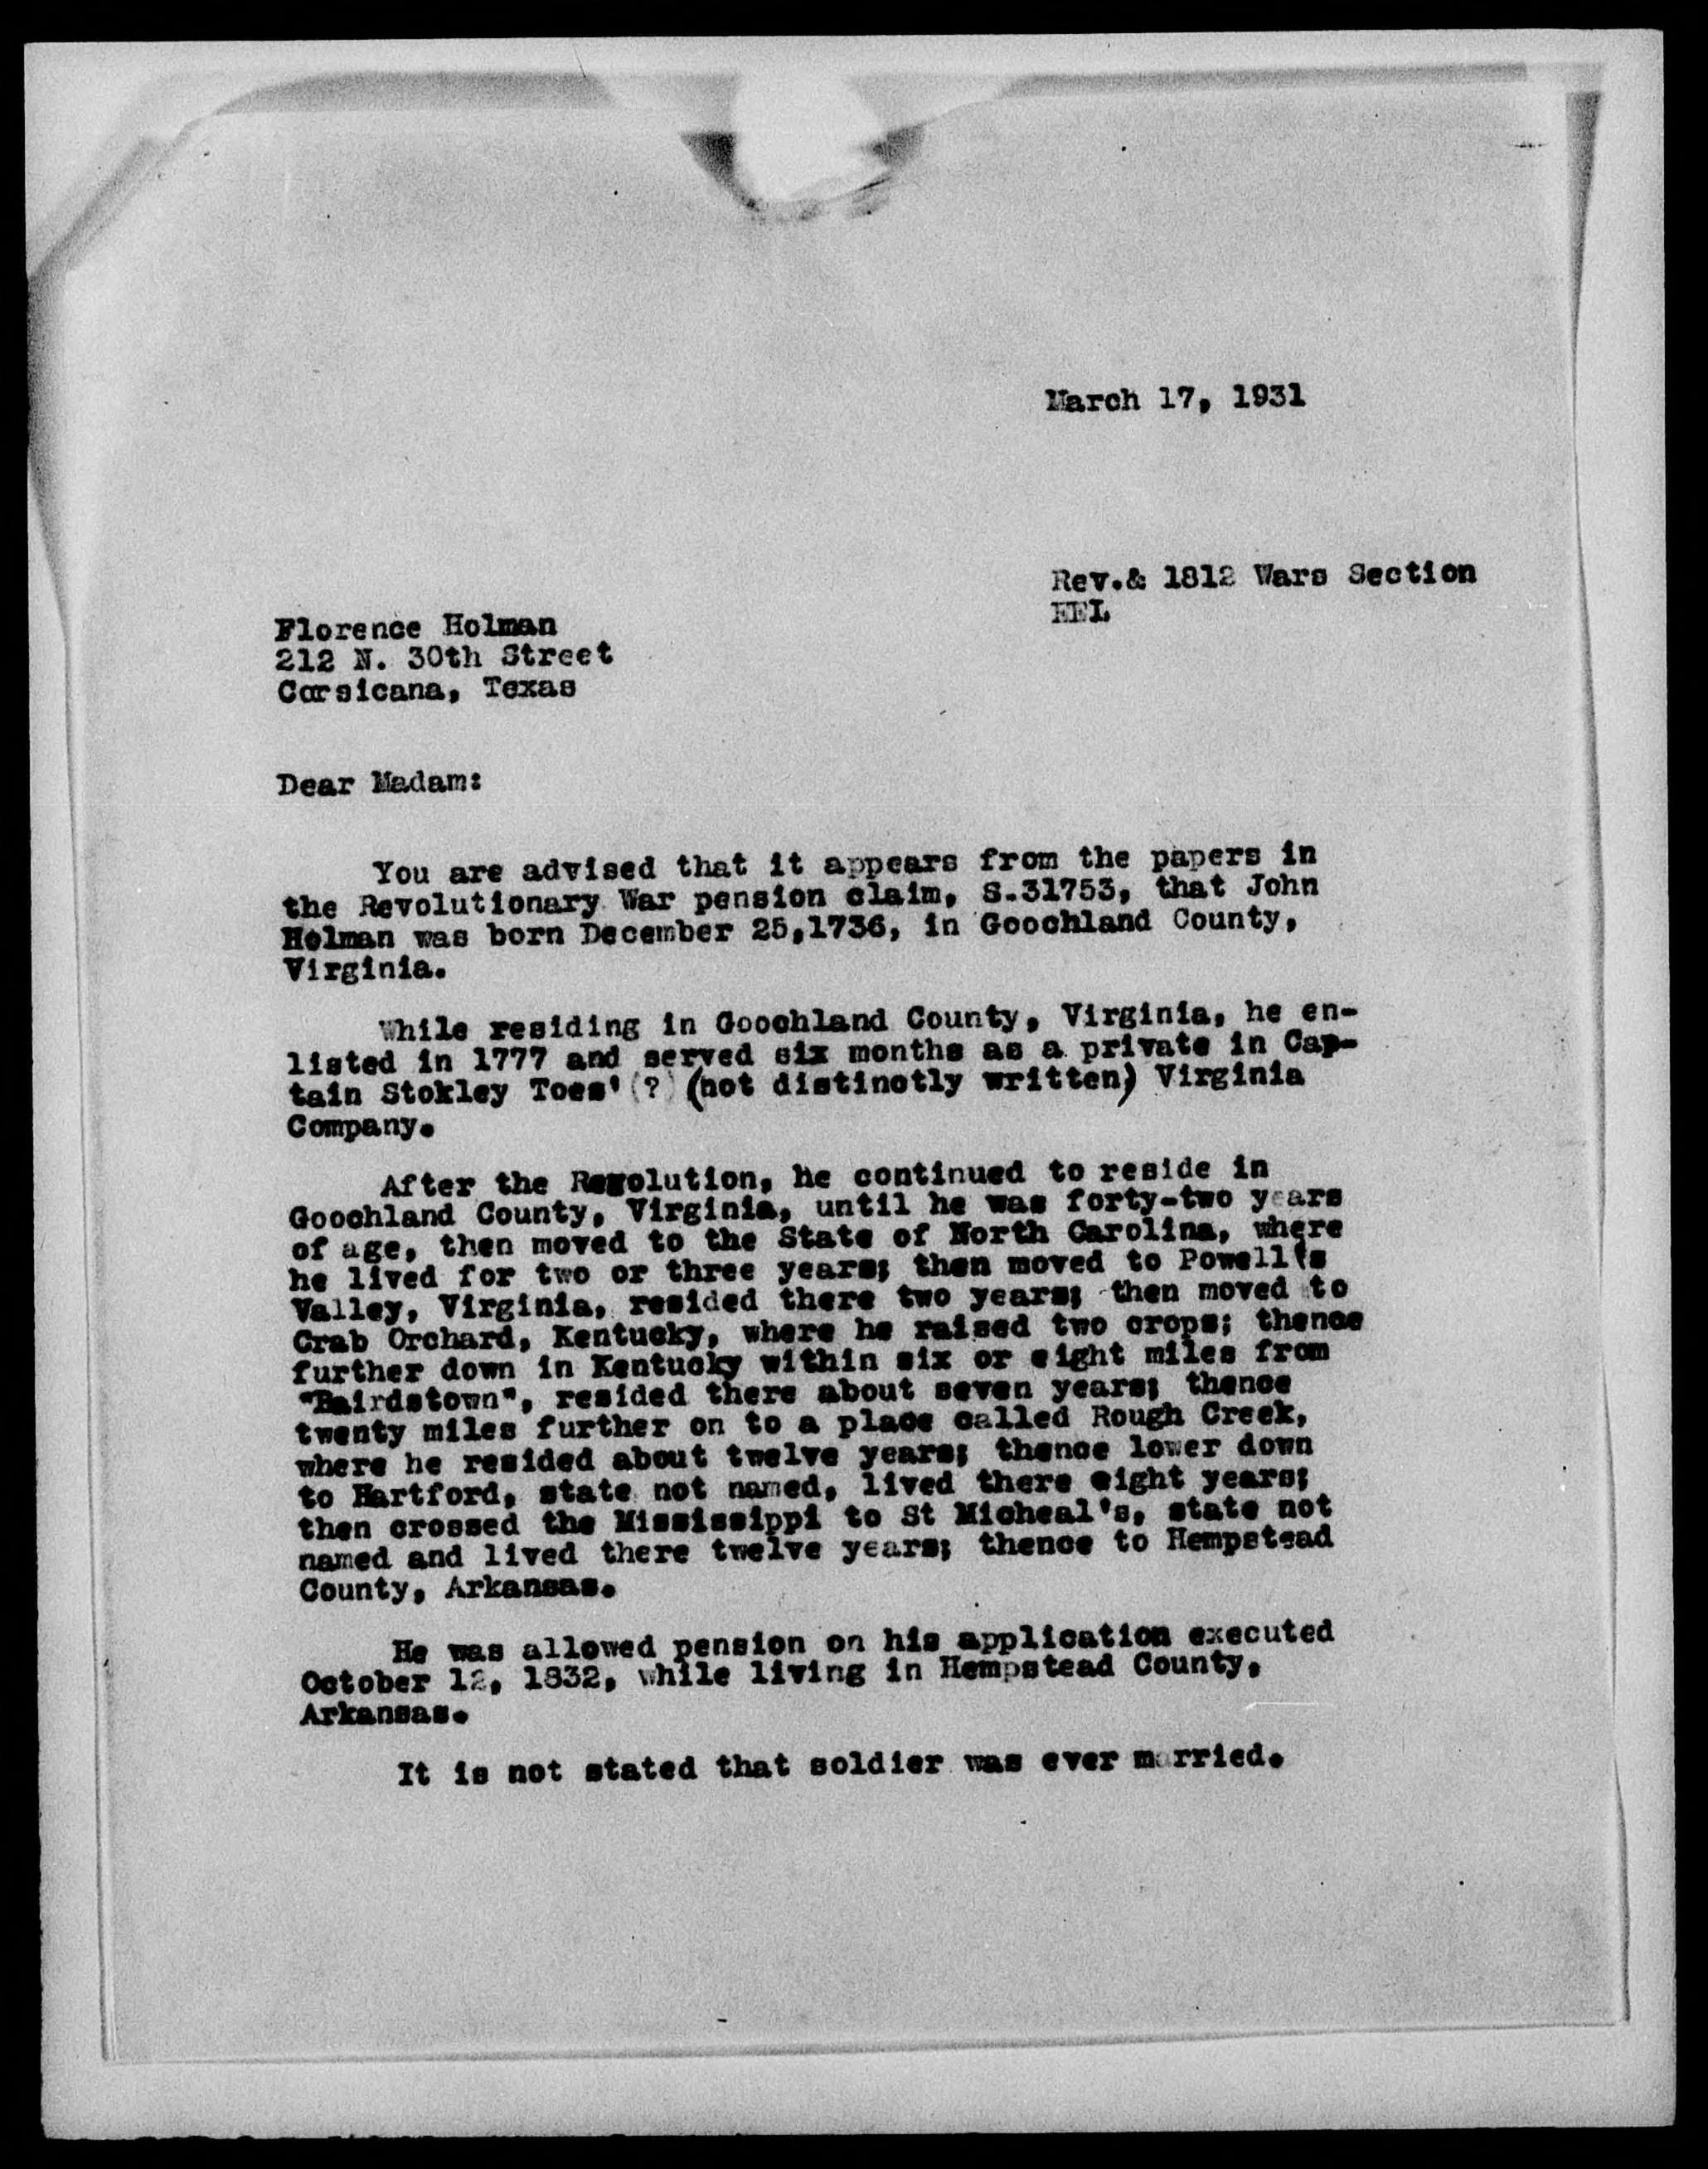March 17, 1931
Rev.& 1812 Wars Section  
EEL
Florence Holman
212 N. 30th Street 
Corsicana, Texas
Dear Madam:
You are advised that it appears from the papers in
the Revolutionary War claim, S. 31753, that John
Holman was born December 25, 1736 in Goochland 
County, Virginia.
While residing in Goochland County, Virginia, he enlisted
in 1777 and served six months as a  private in Captain Stokley 
Toes' (?) (not distinctly written) Virginia Company.
After the Revolution, he continued to reside in Goochland County, 
Virginia, until he was forty-two years of age, then moved to the State 
of North Carolina, where he lived for two or three years; 
then moved to Powell's Valley, Virginia, resided there two years; 
then moved to Crab Orchard, Kentucky, where he raised two crops;
thence further down in Kentucky within six or eight miles from "Bairdstown",
resided there about seven years; 
thence twenty miles further on to a place called Rough Creek,
where he resided about twelve years;  thence lower down to Hartford, state not named,
lived there eight years;
then crossed the Mississippi to St. Michael's, state not named and lived there twelve years; 
thence to Hempstead County , Arkansas.
He was allowed pension  on his application executed October 12, 1832, while living in 
Hempstead County, Arkansas.
It is not stated that soldier was ever married.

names: Florence Holman, John Holman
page: 29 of 30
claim: survivor's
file: S. 31753, John Holman, Va.